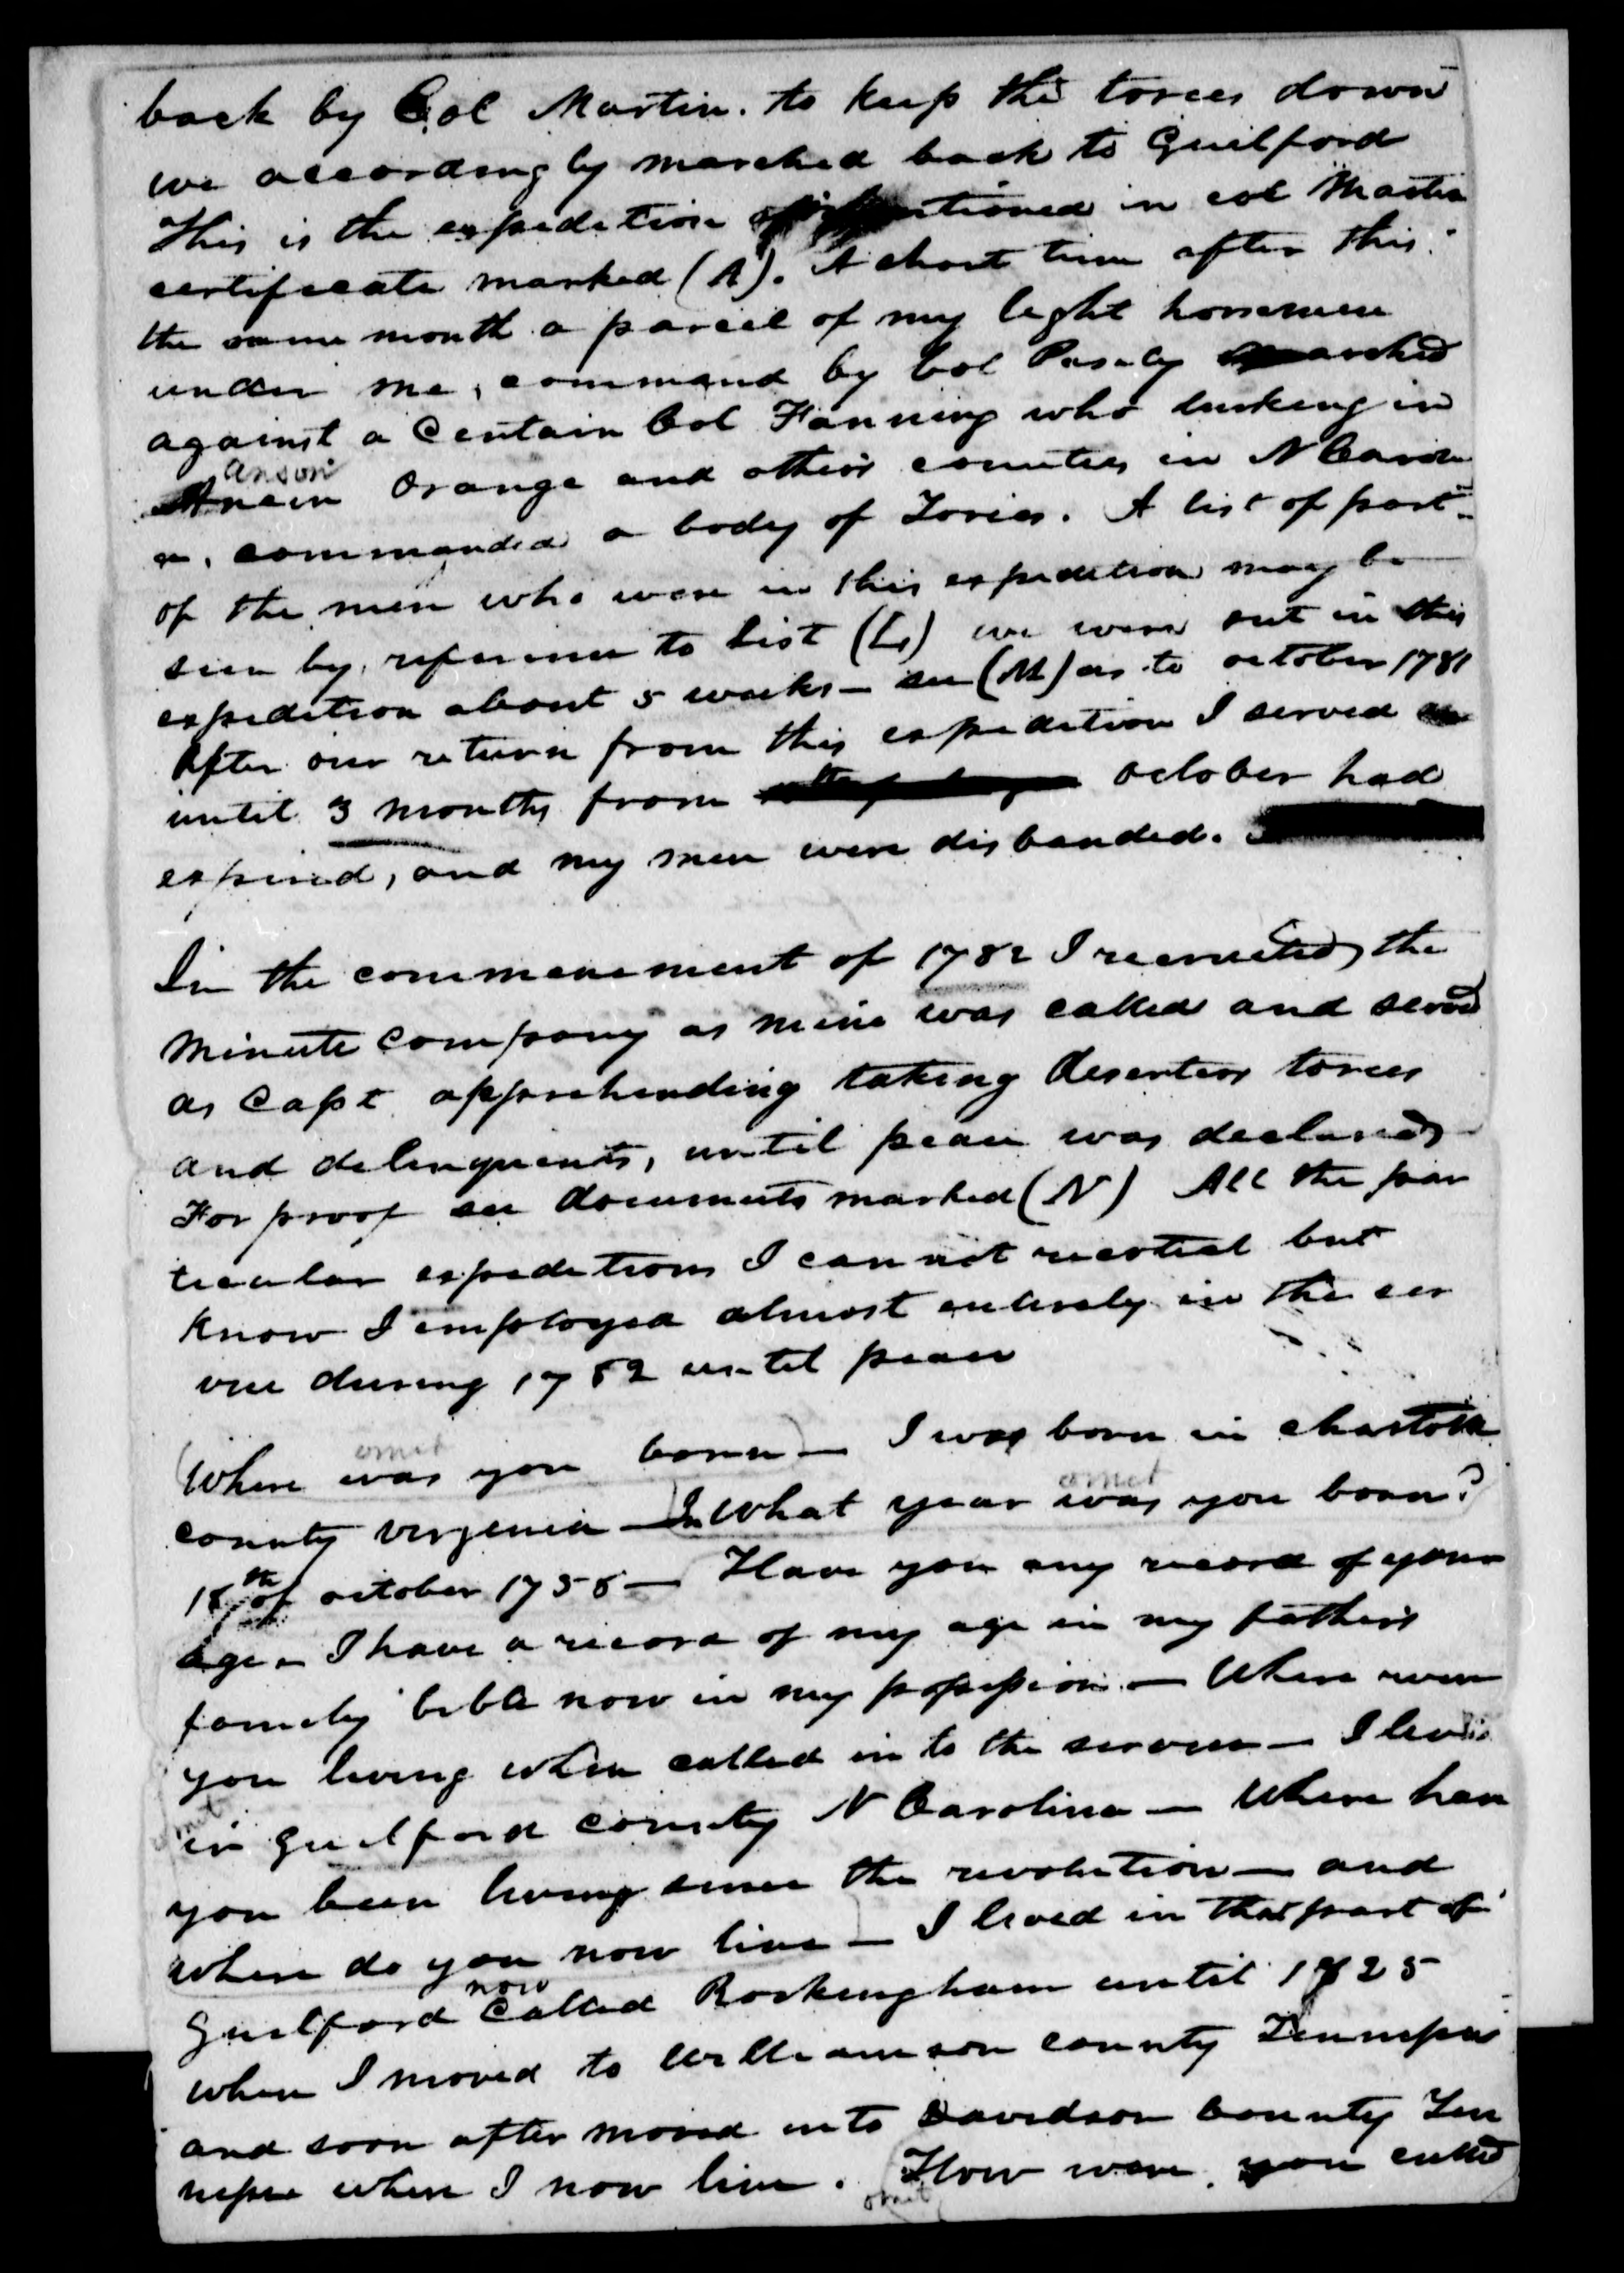back by Col. Martin to keep the Tories down. We accordingly marched back to Guilford. This is the expedition mentioned in Col. Martin’s certificate marked (A). A short time after this the same month a parcel of my light horsemen under me, commanded by Col. Pasely marched against a certain Col Fanning who lurking in Anson Orange and other counties in N Carolina commanded a body of Tories. A list of part of the men who were in this expedition may be seen by reference to list (L). We were out in the expedition about five weeks, see (M) as to October 1781. After our return from this expedition I served until three months from October had expired, and my men were disbanded. In the commencement of 1782, I recruited the minute company as mine was called and served as Capt. apprehending taking desenters [sic], Tories and delinquents, until peace was declared. For proof see documents marked (N). All the particular expeditions I cannot recollect but know I employed almost entirely in the service during 1782 until peace. 

Where was you born - I was born in Charlotte County, Virginia
In what year was you born -18th October 1758
Have you any record of your age - I have a record of my age in my father’s family bible now in my possession. 
Where were you living when called into the service - I lived in Guilford County, N Carolina
Where have you been living since the revolution - and where do you now live - I lived in that part of Guilford now called Rockingham until 1825 when I moved to Williamson County, Tennessee and soon after moved into Davidson County, Tennessee where I now live.  
How were you called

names: Martin, Pasely, Fanning, Martin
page: 11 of 105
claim: survivor's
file: S. 1883, Richard Vernon, N.C.